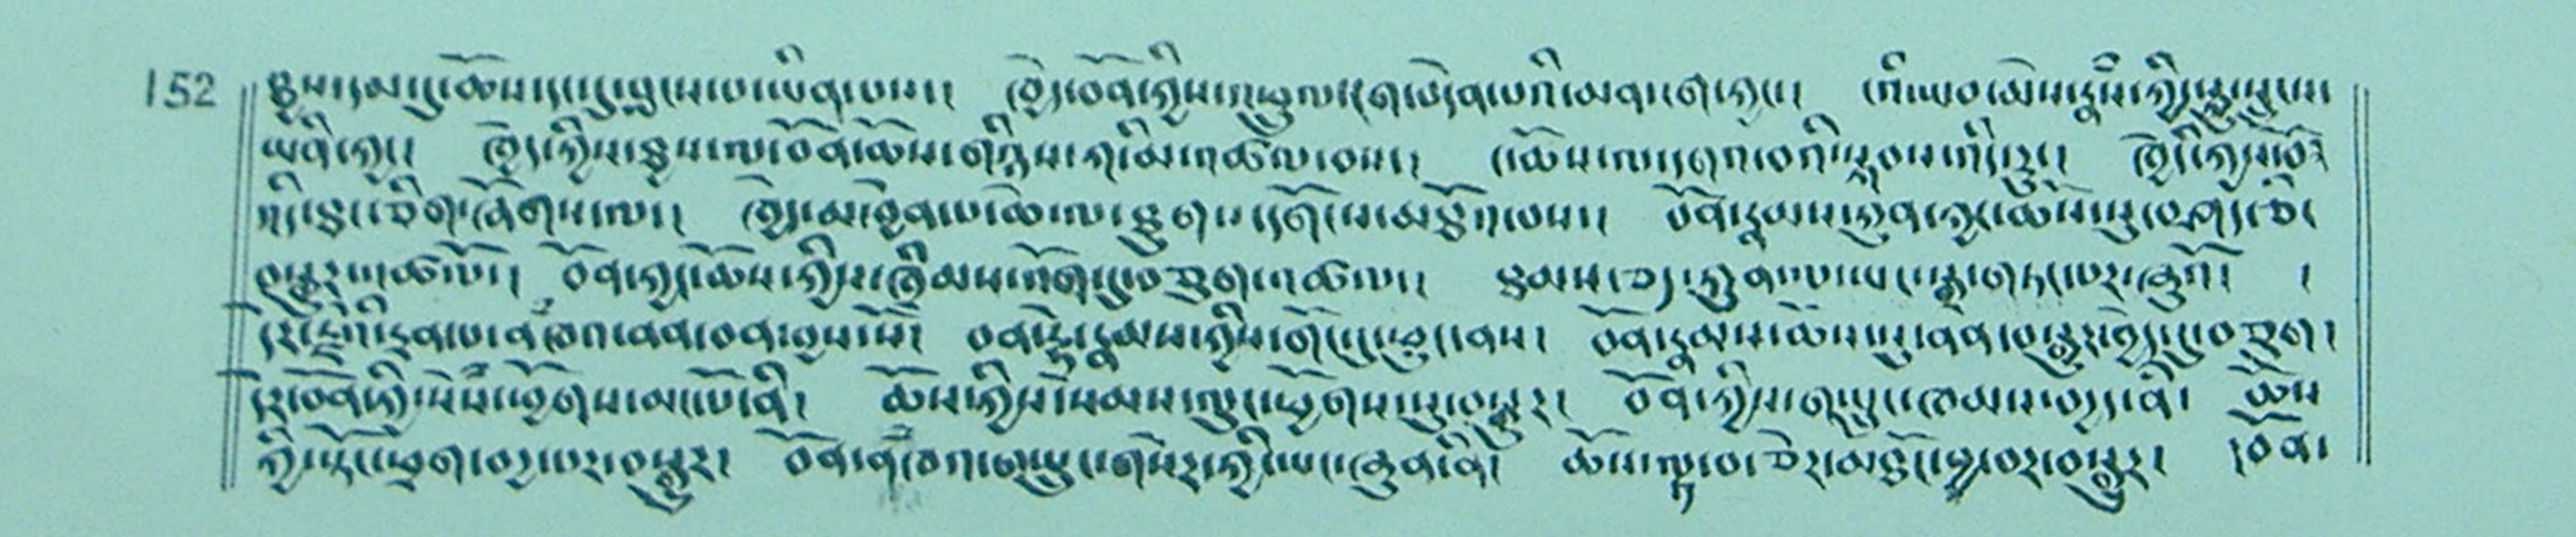ཐུགས་དམ་དུ་ཆོས་དང་དུ་བླངས་པ་ཡིན་པས། ཁྱེད་བོན་གྱིས་འཕྲུལ་ངག་བདེན་པའི་མན་ངག་རྣམས་ཀྱང་། ངའི་ཡབ་མྱེས་རྣམས་ཀྱིས་སྐུ་སྲུངས་
ཡིན་ཀྱང་། ཁྱེད་ཀྱི་ཐུགས་ལ་བོན་ཆོས་གཉིས་ཀ་མི་འཚལ་བས། ང་ཆོས་ལ་དགའ་བའི་སྐབས་འདི་རུ། ཁྱེད་ཀྱིས་བོན་
འདི་ཐང་ཅིག་ཞོགས་ལ། ཁྱེད་མཁྱེན་པ་ཆེ་ལ་ཐུགས་དགོངས་མཐོ་བས། བོན་རྣམས་ཀུན་ཀྱང་ཆོས་སུ་བཤད་ཅིང་
བསྒྱུར་འཚལ་ལོ། །བོན་ཀྱང་ཆོས་ཀྱི་ཁྲིམས་འོག་ཏུ་བཅུག་འཚལ། ཐམས་ཅད་ཀུན་ལ་ཡང་སྒྲ་བཏང་བར་ཞུའོ། 
།དེར་རྗེ་ཡིས་དྲན་པ་ནམ་མཁའ་ལ་ནན་བན་བྱས་སོ། །བན་དྷེ་རྣམས་ཀྱིས་གང་དུ་ཕྱུང་ནས། བོན་རྣམས་ཆོས་སུ་ནན་བསྒྱུར་བྱེད་དུ་བཅུག 
དེར་བོན་གྱི་སེམས་ཕྱོགས་མང་པོ་ནི། ཆོས་ཀྱི་སེམས་ལུང་ཕྱོགས་སུ་བསྒྱུར། བོན་གྱི་གཡུང་དྲུང་ཁམས་བརྒྱད་ནི། ཆོས་
ཀྱི་སྟོང་ཕྲག་བརྒྱ་བར་བསྒྱུར། བོན་ནམ་མཁའ་གཡུང་དྲུང་གསེར་གྱི་ཡང་ཞུན་ནི། ཆོས་ལྟ་བ་གཅེར་མཐོང་བྱ་བར་བསྒྱུར། བོན་